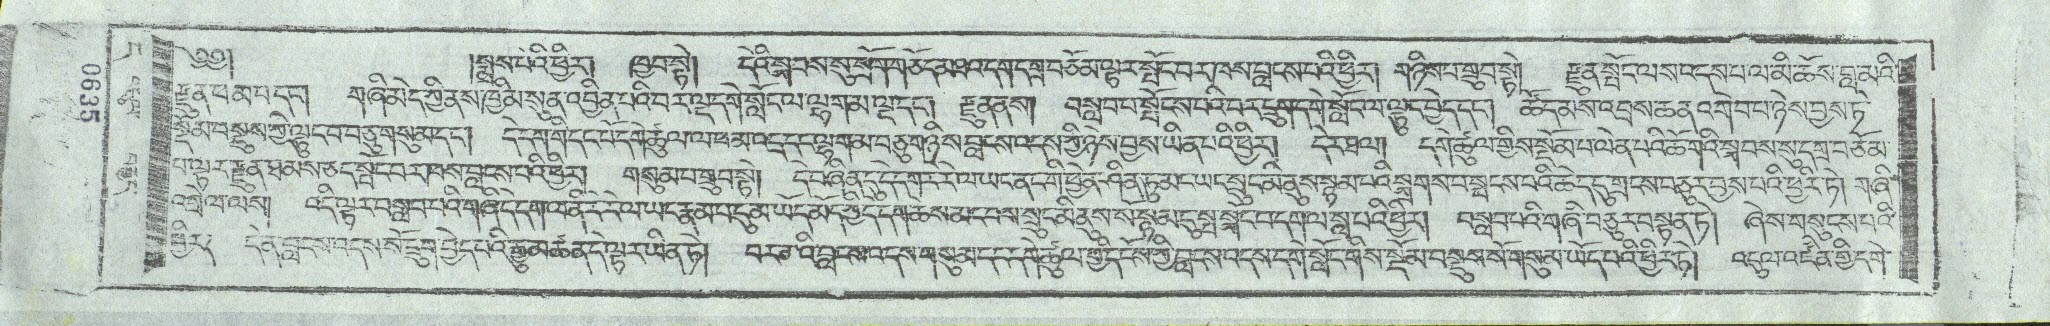༄༅། །སྨྲས་པའི་ཕྱིར། ཁྱབ་སྟེ། དེའི་སྐབས་སུ་སྲོག་གཅོད་མཐའ་དག་དགྲ་བཅོམ་ལྟར་སྤོང་བར་ཁས་བླངས་པའི་ཕྱིར། གཉིས་པ་གྲུབ་སྟེ། རྫུན་སྤོང་ལས་འདས་པ་ལ་མི་ཆོས་བླ་མའི་
རྫུན་ཕམ་པ་དང་། གཞི་མེད་ཀྱི་ནས་ཁྱིམ་སུན་འབྱིན་པའི་བར་ལྔ་དགེ་སློང་ལ་ལྷག་མ་ལྔ་དང་། རྫུན་ནས། བསླབ་པ་སྤོངས་པའི་བར་དྲུག་དགེ་སློང་ལ་ལྟུང་བྱེད་དང་། ཚོད་མས་འབྲས་ཆན་འགེབ་པ་ཉེས་བྱས་ཏེ་
སྡོམ་བསྡུས་ཀྱེ་ལྟུང་བ་བཅུ་གསུམ་དང་། དེ་དག་གི་དང་པོ་དགེ་ཚུལ་ལ་ཕམ་འདྲ་དང་ལྷག་མ་བཅུ་གཉིས་བླངས་འདས་ཀྱི་ཉེས་བྱས་ཡིན་པའི་ཕྱིར། དེར་ཐལ། དགེ་ཚུལ་གྱིས་སྡོམ་པ་ལེན་པའི་ཆོ་གའི་སྐབས་སུ་དགྲ་བཅོམ་
པ་ལྟར་རྫུན་ཐམས་ཅད་སྤོང་བར་ཁས་བླངས་པའི་ཕྱིར། གསུམ་པ་གྲུབ་སྟེ། དེ་བཞིན་དུ་དེ་དག་རེ་རེ་ལ་ཡང་ནང་གི་ཕྱེ་ན་ཤིན་ཏུ་མང་ཡང་སྲུང་མི་ནུས་སྙམ་པའི་སྐྲགས་པ་སྤངས་པའི་ཆེད་དུ་གྲངས་བཅུར་བྱས་པའི་ཕྱིར་ཏེ། གཞི་
འགྲེལ་ལས། འདི་ལྟར་བསླབ་པའི་གཞི་དེ་དག་ལ་ནི་རེ་རེ་ལ་ཡང་རྣམ་པ་དུ་མ་ཡོད་མོད་ཀྱི་དེ་དག་ཆེས་མང་བས་སྲུང་མི་ནུས་སོ་སྙམ་དུ་སྤ་སྐོང་བདག་ལ་སླ་པའི་ཕྱིར། བསླབ་པའི་གཞི་བཅུར་བསྟན་ཏེ། ཞེས་གསུངས་པའི་
ཕྱིར༑ དེ་ན་བླངས་འདས་སོ་དྲུག་བྱེད་པའི་རྒྱུ་མཚན་དེ་ལྟར་ཡིན་ཏེ། བར་མའི་བླངས་འདས་གསུམ་དང་དགེ་ཚུལ་གྱི་དངོས་ཀྱི་བླངས་འདས་དགེ་སློང་གིས་སྡོམ་བསྡུས་སོ་གསུམ་ཡོད་པའི་ཕྱིར་ཏེ། འདུལ་འཛིན་གྱི་དགེ་